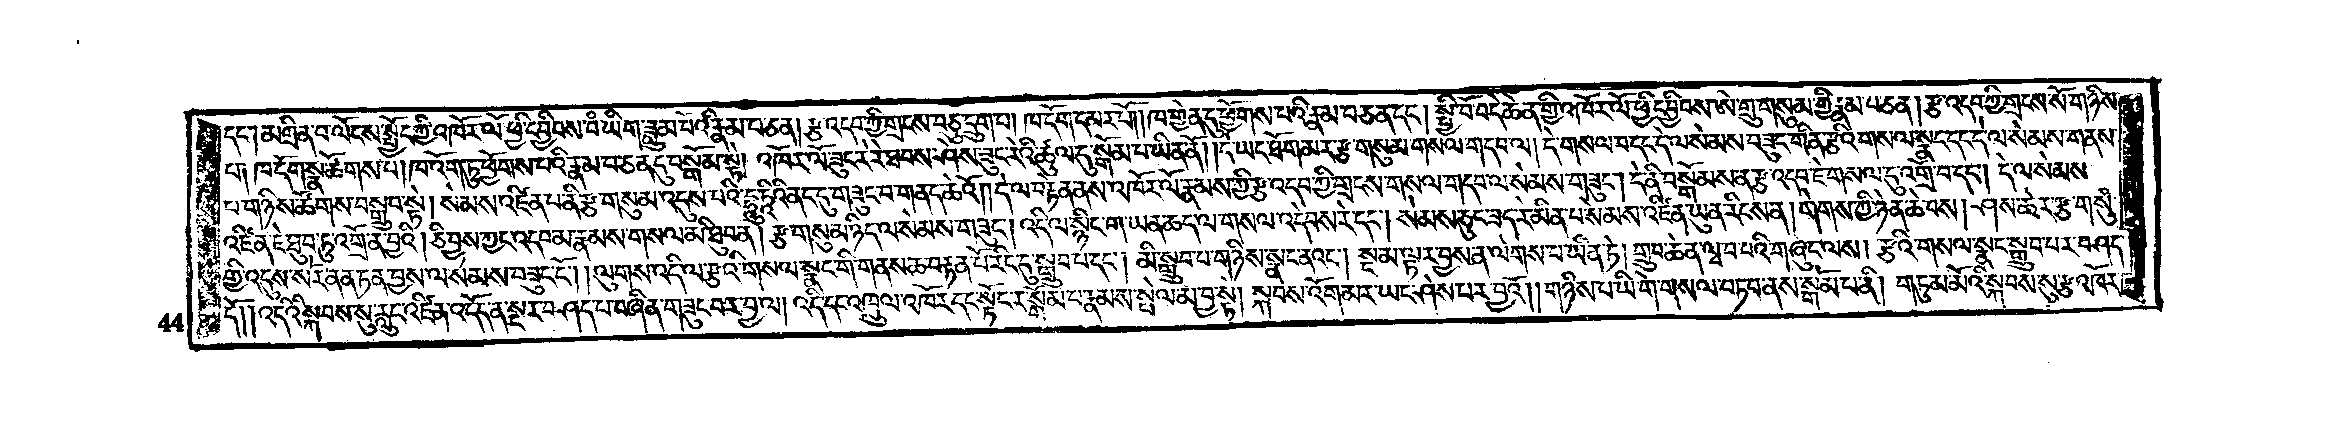དང་། མགྲིན་པ་ལོངས་སྤྱོད་ཀྱི་འཁོར་ལོ་ཕྱི་དབྱིབས་བཾ་ཡིག་ཟླུམ་པོའི་རྣམ་པ་ཅན། རྩ་འདབ་ཀྱི་གྲངས་བཅུ་དྲུག་པ། ཁ་དོག་དམར་པོ། །ཁ་གྱེན་དུ་ཕྱོགས་པའི་རྣམ་པ་ཅན་དང་། སྤྱི་བོ་བདེ་ཆེན་གྱི་འཁོར་ལོ་ཕྱི་དབྱིབས་ཨེ་གྲུ་གསུམ་གྱི་རྣམ་པ་ཅན། རྩ་འདབ་ཀྱི་གྲངས་སོ་གཉིས་
པ། ཁ་དོག་སྣ་ཚོགས་པ། ཁ་འོག་ཏུ་ཕྱོགས་པའི་རྣམ་པ་ཅན་དུ་བསྒོམ་སྟེ། འཁོར་ལོ་ཟུང་རེ་རེ་ཐབས་ཤེས་ཟུང་རེའི་ཚུལ་དུ་སྒོམ་པ་ཡིན་ནོ། །དེ་ཡང་ཐོག་མར་རྩ་གསུམ་གསལ་གདབ་ལ། དེ་གསལ་བ་དང་དེ་ལ་སེམས་བཟུང་གིན་རྩའི་གསལ་སྣང་དང་དེ་ལ་སེམས་གནས་
པ་གཉིས་ཚོགས་བསྒྲུབ་སྟེ། སེམས་འཛིན་པ་ནི་རྩ་གསུམ་འདུས་པའི་དྷཱུ་ཏཱིའི་ནང་དུ་གཟུང་བ་གནད་ཆེའོ། །དེ་ལ་བརྟེན་ནས་འཁོར་ལོ་རྣམས་ཀྱི་རྩ་འདབ་ཀྱི་གྲངས་གསལ་གདབ་ལ་སེམས་གཟུང་། དེ་ནི་བསྒོམས་ན་རྩ་འདབ་ཇེ་གསལ་དུ་འགྲོ་བ་དང་། དེ་ལ་སེམས་
འཛིན་ཇེ་ཐུབ་ཏུ་འགྲོ་ན་བྱའི། ཅི་བྱས་ཀྱང་འདབ་མ་རྣམས་གསལ་མི་ཐུབ་ན། རྩ་གསུམ་ཉིད་ལ་སེམས་གཟུང་། འདི་ལ་སྙིང་ག་ཡན་ཆད་ལ་གསལ་འདེབས་རེ་དང་། སེམས་ཅུང་ཟད་རེ་མིན་པ་སེམས་འཛིན་ཡུན་རིངས་ན། གེགས་ཀྱི་ཉེན་ཆེ་བས། ཤས་ཆེར་རྩ་གསུམ་
གྱི་འདུས་སོར་ནན་ཏན་བྱས་ལ་སེམས་བཟུང་ངོ། །ལུགས་འདི་ལ་རྩའི་གསལ་གི་གནས་ཆ་བརྟན་པོ་རིང་དུ་སྒྲུབ་པ་དང་། མི་སྒྲུབ་པ་གཉིས་སྣང་ནའང་། སྔ་མ་ལྟར་བྱས་ན་ལེགས་པ་ཡིན་ཏེ། གྲུབ་ཆེན་ལྭ་བ་པའི་གཞུང་ལས། རྩའི་གསལ་སྣང་སྒྲུབ་པར་བཤད་
དོ། །འདིའི་སྐབས་སུ་རླུང་འཛིན་འདོད་ན་སྔར་བཤད་པ་བཞིན་གཟུང་བར་བྱ་ལ། འདི་དང་འཁྲུལ་འཁོར་དང་སྟོང་ར་སྒོམ་པ་རྣམས་སྤེལ་མ་བྱ་སྟེ། སྐབས་འོག་མར་ཡང་ཤེས་པར་བྱའོ། །གཉིས་པ་ཡི་གེ་གསལ་བཏབ་ནས་སྒོམ་པ་ནི། གཏུམ་མོའི་སྐབས་སུ་རྩ་འཁོར་